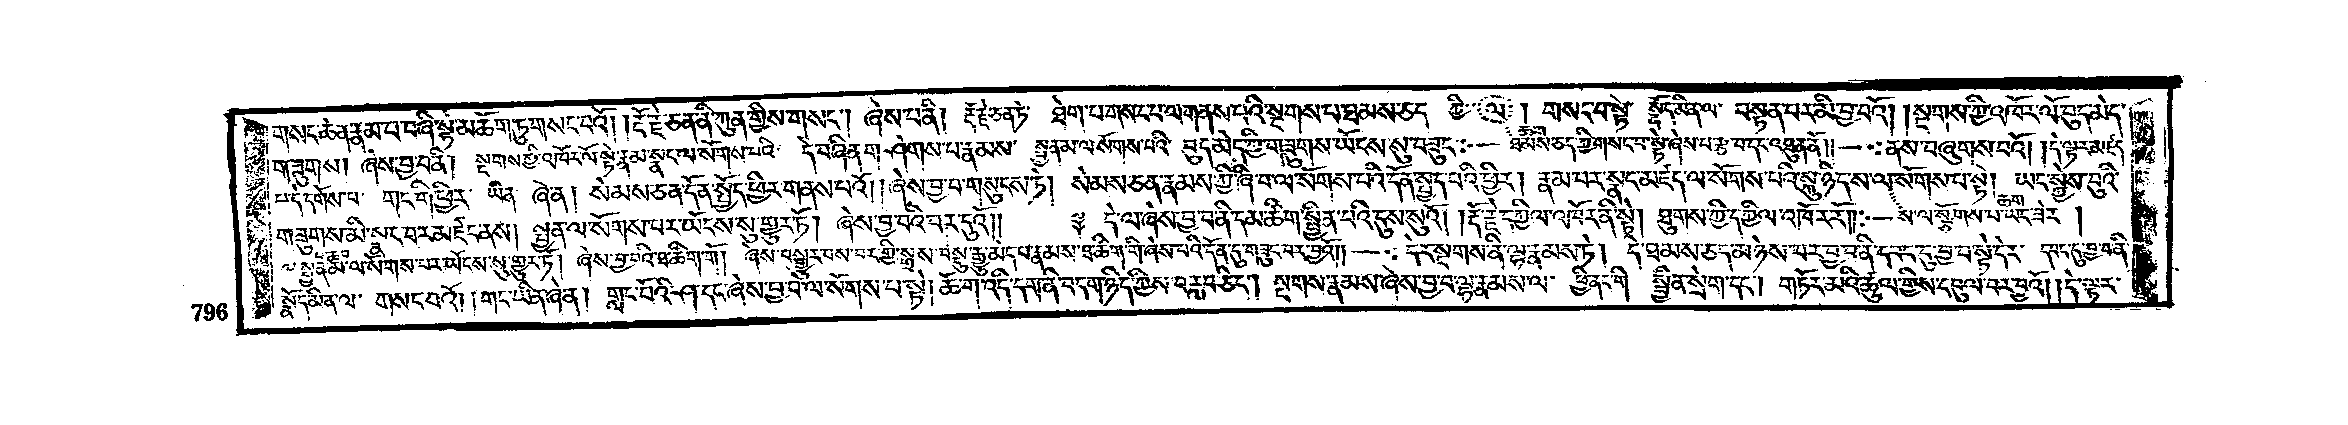གསང་ཆེན་རྣམ་པ་བཞི་སྟེ་མཆོག་ཏུ་གསང་བའོ། །རྡོ་རྗེ་ཅན་ནི་ཀུན་གྱིས་གསང་། ཞེས་པ་ནི། རྡོ་རྗེ་ཅན་ཏེ་ཐེག་པ་གསར་པ་ལ་གནས་པའི་སྤགས་?་པ་ཐམས་ཅད་ཀྱི་ལ། གསང་བ་སྟེ་སྣོད་མིན་ལ་བསྟན་པར་མི་བྱ་བའོ། །སྔགས་ཀྱི་འཁོར་ལོ་བུད་མེད་
གཟུགས། ཞེས་བྱ་བ་ནི། སྔགས་ཀྱི་འཁོར་ལོ་སྟེ་རྣམ་སྣང་ལ་སོགས་པའི་དེ་བཞིན་གཤེགས་པ་རྣམས་སྤྱན་མ་ལ་སོགས་པའི་བུད་མེད་ཀྱི་གཟུགས་ཡོངས་སུ་བཟུང་H.་ཆག་ཐམས་ཅད་ཀྱི་གསང་བ་སྟེ་ཞེས་པ་རྩ་བ་དང་འཐུན་ནོ།། .H ནས་བཞུགས་པའོ། །དེ་ལྟར་མཛད་
པ་དེ་དགོས་པ་གང་གི་ཕྱིར་ཡིན་ཞེ་ན། སེམས་ཅན་དོན་སྤྱོད་ཕྱིར་གནས་པའོ། །ཞེས་བྱ་བ་གསུངས་ཏེ། སེམས་ཅན་རྣམས་ཀྱི་ཞི་བ་ལ་སོགས་པའི་དོན་སྤྱད་པའི་ཕྱིར། རྣམ་པར་སྣང་མཛད་ལ་སོགས་པའི་སྐུ་ཉིད་ས་ལ་སོགས་པ་སྟེ། ཡང་སྐྱེས་བུའི་
གཟུགས་མི་སྣང་བར་མཛད་ནས། སྤྱན་ལ་སོགས་པར་ཡོངས་སུ་གྱུར་ཏོ། ཞེས་བྱ་བའི་བར་དུའོ།། ༈ དེ་ལ་ཞེས་བྱ་བ་ནི་དམ་ཚིག་སྦྱིན་པའི་དུས་སུའོ། །རྡོ་རྗེ་དཀྱིལ་འཁོར་ནི་སྟེ། ཐུགས་ཀྱི་དཀྱིལ་འཁོར་རོ།།H.་ས་ལ་སྩོགས་པ་ཆག་ཡང་ཟེར།
པ་ཚབ་༧སྤྱན་མ་ལ་སོགས་པར་ཡོངས་སུ་གྱུར་ཏེ། ཞེས་བྱ་བའི་ཐ་ཚིག་གོ ། ཞེས་བསྒྱུར་བས་བར་གྱི་སྒྲས་བསྡུ་རྒྱུ་མེད་པ་རྣམས་ཐ་ཚིག་གོ་ཞེས་པའི་དོན་དུ་གཟུང་བར་བྱའོ།། .H དེར་སྔགས་ནི་ལྷ་རྣམས་ཏེ། དེ་ཐམས་ཅད་མཉེས་པར་བྱ་བ་ནི་དབང་དུ་བྱ་བ་སྟེ་དེར་དབང་དུ་བྱ་བ་ནི་
སྣོད་མིན་ལ་གསང་བའོ། །གང་ཡིན་ཞེ་ན། གླང་པོའི་ཤ་དང་ཞེས་བྱ་བ་ལ་སོགས་པ་སྟེ། ཆོ་ག་འདི་དག་ནི་བདག་ཉིད་ཀྱིས་བརླབ་ཅིང་། སྔགས་རྣམས་ཞེས་བྱ་བ་ལྷ་རྣམས་ལ་ཕྱི་ནང་གི་སྦྱིན་སྲེག་དང་། གཏོར་མའི་ཚུལ་གྱིས་དབུལ་བར་བྱའོ། །དེ་ལྟར་